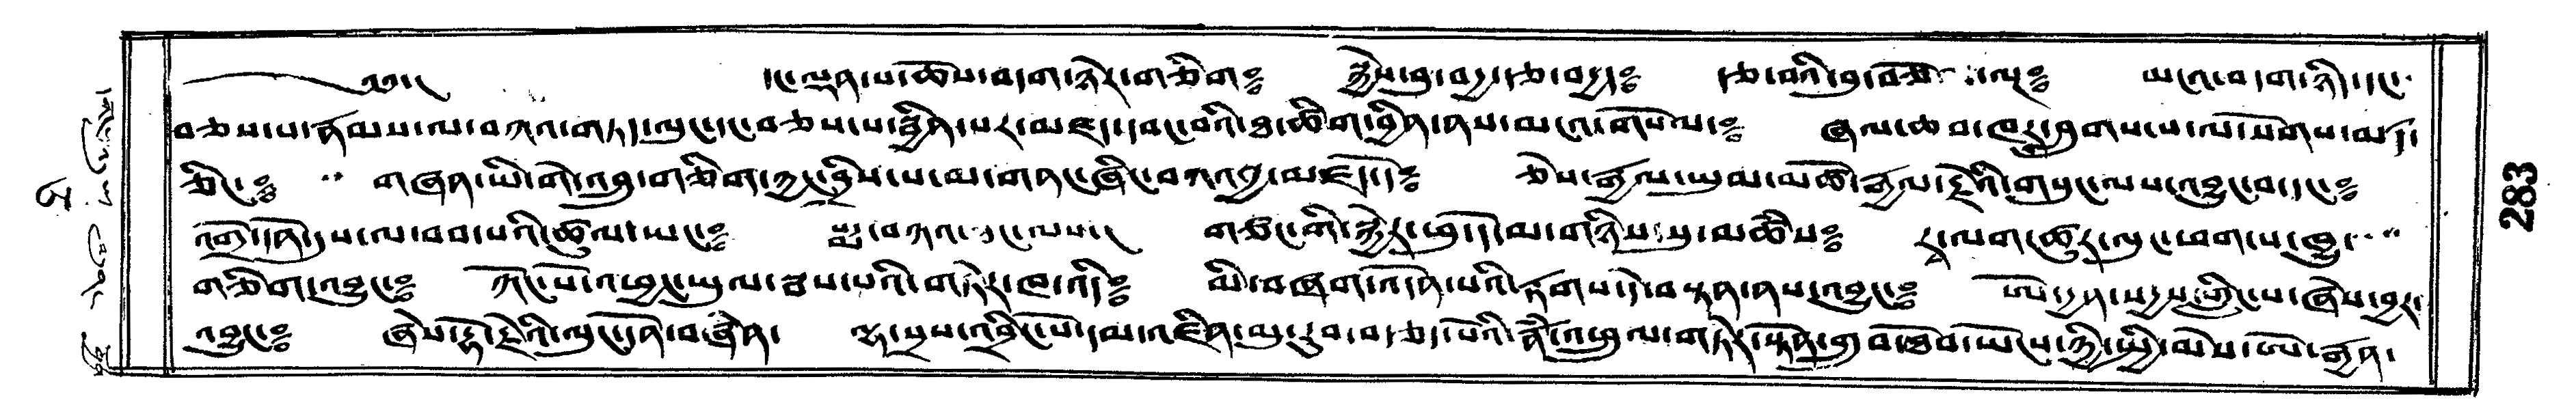དང་ལྡན་པ་ཆོས་བདག་ཉེར་གཅིག༔ སྐྱེས་བུ་བརྒྱ་རྩ་བརྒྱད༔ རྩ་བའི་བུ་བཅོ་ལྔ༔ མངའ་བདག་ཉིད་དང་
བཅས་པ་རྣམས་ལ་བཀའ་གཏད་ལུང་དང་བཅས་པ་སྦྱིན་པར་མཛད༔ དབང་གི་མཐའ་ཚིག་བྱིན་ནས་མངའ་གསོལ༔ ཞལ་ཆབ་ཁར་བླུགས་པ་ལ་སོགས་མཛད་
ཅིང༔ གཞན་ཡི་གེ་འབྲུ་གཅིག་ཀྱང་བྲི་པར་མ་གནང་ཞིང་བཀའ་རྒྱ་མཛད་དོ༔ ཞེས་རྒྱལ་ཡུམ་མཚོ་རྒྱལ་མའི་གསུང་ལས་འབྱུང་བ་དང༔ 
འགྲོ་དོན་དུས་ལ་བབས་པའི་ཚུལ་ཡང༔ པདྨ་བཀའ་ཐང་ལས༔ གཙང་གི་སྐྱེར་ཕུ་དེ་མ་གཉིས་ཀྱི་མཚམས༔ རྭ་ལག་ཚུར་ལུང་ཕག་པ་ཁྱུ་
གཅིག་འབྱུང༔ ཀོང་པོ་འཕྲང་གསུམ་སྦས་པའི་གཏེར་ཁ་འདི༔ མི་བཞག་འདོན་པའི་རྟགས་དེ་བསྟན་ནས་བྱུང༔ ཨོ་རྒྱན་སངས་རྒྱས་གླིང་པ་ཞེས་བྱ་
འབྱུང་༔ ཞེས་རྡོ་རྗེའི་ལུང་དོན་བཞིན༔ ལྷ་སྲས་འབྲིང་པོ་དམ་འཛིན་མུ་རུབ་བཅད་པོའི་རྣམ་འཕྲུལ་གཏེར་སྟོན་གྲུབ་ཐོབ་ཡོངས་ཀྱི་སྤྱི་མེས་ཨོ་རྒྱན་